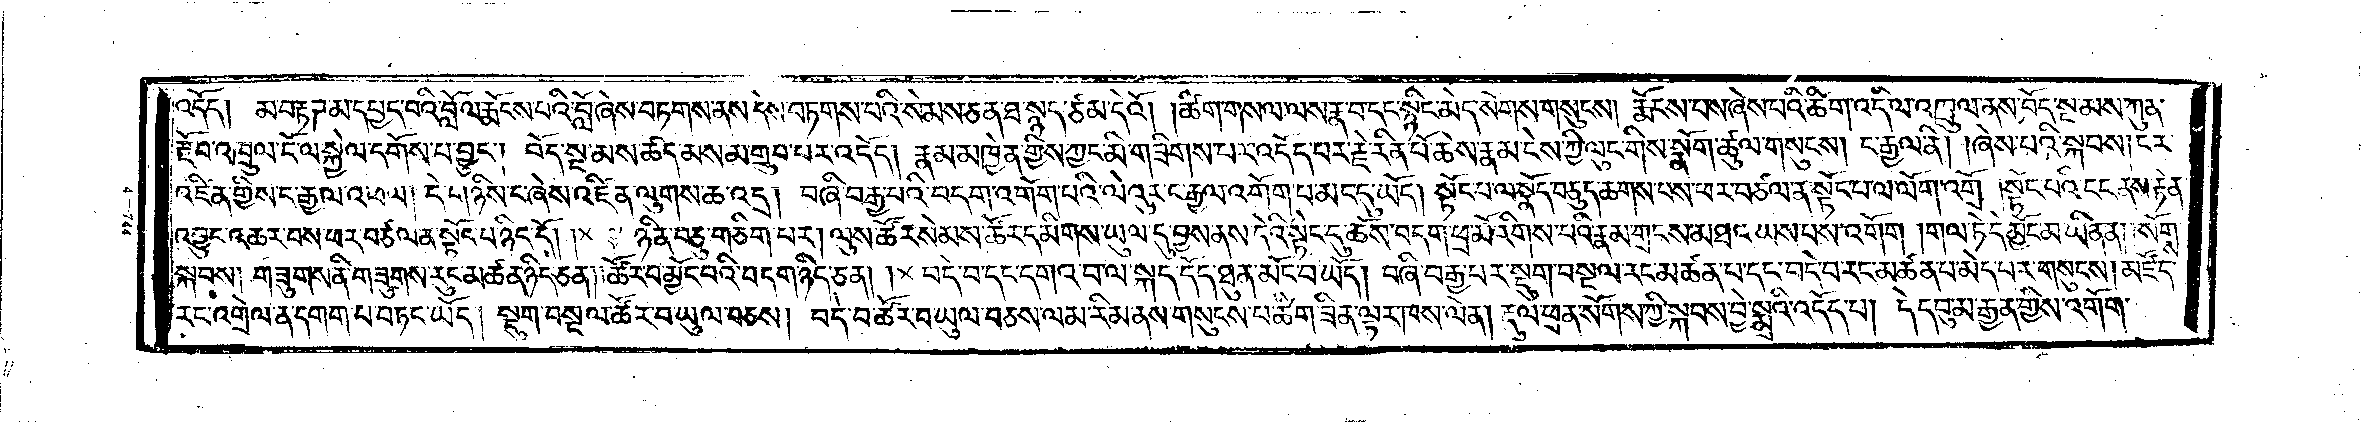འདོད། མ་བརྟཌ་མ་དཔྱད་བའི་བློ་ལ་རྨོངས་པའི་བློ་ཞེས་བཏགས་ནས་དེས་བཏགས་པའི་སེམས་ཅན་ཐ་སྙད་ཙམ་དེའོ། །ཚིག་གསལ་ལས་རྣ་བ་དང་སྙིང་མེད་སེགས་གསུངས། རྨོངས་པས་ཞེས་པའི་ཚིག་འདི་ལ་འཁྲུལ་ནས་བོད་སྔ་མས་ཀུན་
རྗོབ་འཁྲུལ་ངོ་ལ་སྐྱེལ་དགོས་པ་བྱུང་། བོད་སྔ་མས་ཚད་མས་མ་གྲུབ་པར་འདོད། རྣམ་མཁྱེན་གྱིས་ཀྱང་མི་གཟིགས་པར་འདོད་པར་རྗེ་རིན་པོ་ཆེས་རྣམ་ངེས་ཀྱི་ལུང་གིས་སྣོག་ཚུལ་གསུངས། ང་རྒྱལ་ནི། །ཞེས་པའི་སྐབས། ངར་
འཛིན་གྱིས་ང་རྒྱལ་འཕལ། དེ་གཉིས་ང་ཞེས་འཛིན་ལུགས་ཆ་འདྲ། བཞི་བརྒྱ་པའི་བདག་འགོག་པའི་ལེའུར་ང་རྒྱལ་འགོག་པ་མང་དུ་ཡོད། སྟོང་པ་ལ་སྣོད་བཅུད་ཆགས་པས་ཕར་བཙལ་ན་སྟོང་པ་ལ་ལོག་འགྲོ་།སྟོང་པའི་ངང་ནས་རྟེན་
འབྱུང་འཆར་བས་ཕར་བཙལ་ན་སྟོང་པ་ཉིད་དོ། །྾་༈ ཉིན་བཅུ་གཅིག་པར། ལུས་ཚོར་སེམས་ཚོར་དམིགས་ཡུལ་དུ་བྱས་ནས་དེའི་སྟེང་དུ་ཆོས་བདག་ཕྲ་མོ་རིགས་པའི་རྣམ་གྲངས་མཐའ་ཡས་པས་འགོག །གལ་ཏེ་དེ་མྱོང་མ་ཡིན་ན། །སོགས་
སྐབས། གཟུགས་ནི་གཟུགས་རུང་མཚན་ཉིད་ཅན༑ ༑ཚོར་བ་མྱོང་བའི་བདག་ཉིད་ཅན། །྾་བདེ་བ་དང་དགའ་བ་ལ་སྐད་དོད་ཐུན་མོང་བ་ཡོད། བཞི་བརྒྱ་པར་སྡུག་བསྔལ་རང་མཚན་པ་དང་བདེ་བ་རང་མཚན་པ་མེད་པར་གསུངས། མཛོད་
རང་འགྲེལ་ན་དགག་པ་བཏང་ཡོད། སྡུག་བསྔལ་ཚོར་བ་ཡུལ་བཅས། བདེ་བ་ཚོར་བ་ཡུལ་བཅས་ལམ་རིམ་ནས་གསུངས་པ་ཚིག་ཟིན་ལྟར་ཁས་ལེན། རྡུལ་ཕྲན་སོགས་ཀྱི་སྐབས་བྱེ་སྨྲའི་འདོད་པ། དེ་དབུམ་རྒྱན་གྱིས་འགོག་